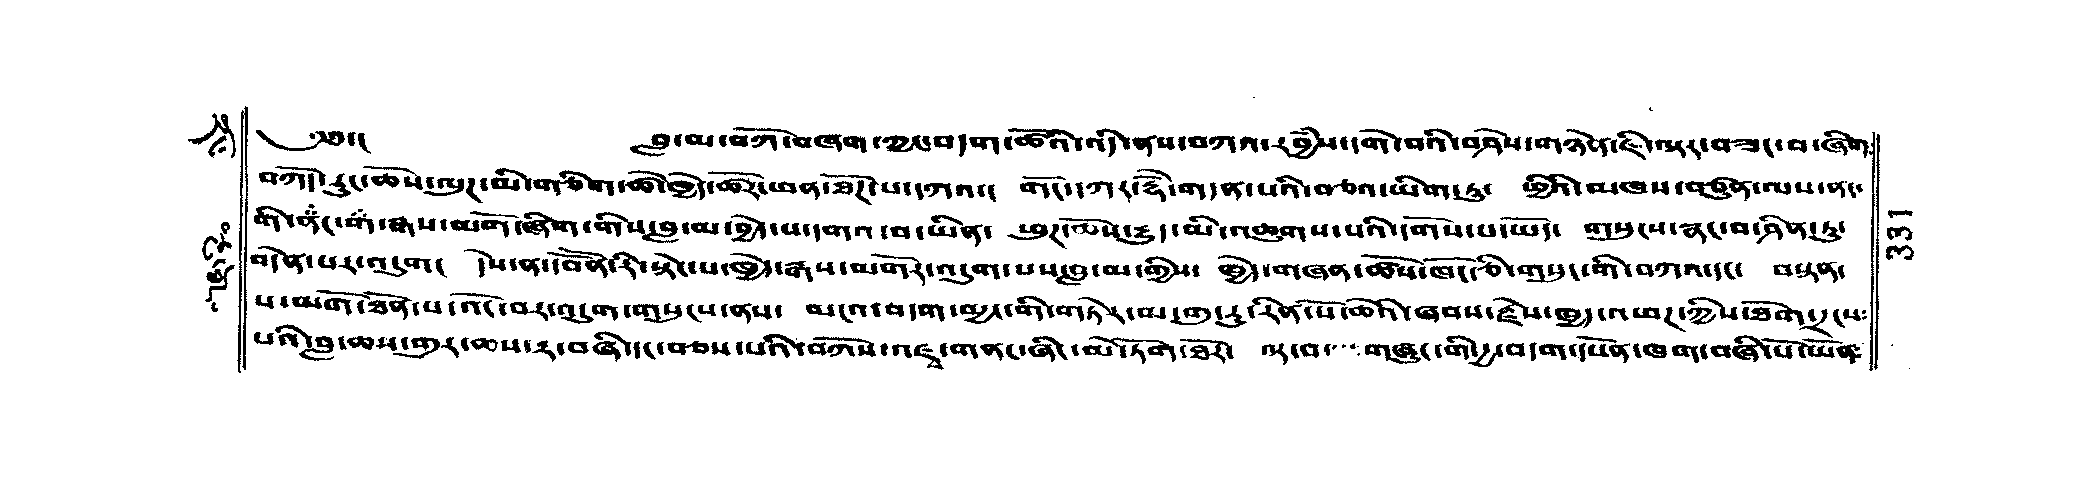བླ་མ་བསྐོ་བཞག་ཀྱང་བདག་ཚོའི་འདི་ནས་བཀའ་རབ་འབྱམས་དགེ་བའི་བཤེས་གཉེན་ཇི་ལྟར་བཟང་བ་ཞིག་
བཀོས་རུང་ཆོས་ལུགས་མི་གཅིག་ཚེ་ཁྱེད་ཚོར་ཕན་ཐོགས་པ་དཀའ། གོང་དཀར་རྡོ་རྗེ་གདན་པའི་བཅའ་ཡིག་ཏུ་ཕྱིའི་མཁས་བཙུན་ལས་ནང་
གི་རྒས་མགོ་ཞིག་གིས་བླ་མ་བྱེད་པ་དགའ་བ་ཡིན། ཕུགས་ཆོས་རྒྱུད་མི་འཆུགས་པའི་དགོས་པ་ཡོད། གསུངས་སྣང་བ་ཤིན་ཏུ་
བདེན་པར་འདུག དེས་ན་དབོན་པོ་རི་སྟེང་པ་ཁྱེད་རྒས་མགོར་འདུག་པས་བླ་མ་གྱིས། ཁྱེད་གཞན་ཚོས་ཁོང་གི་ཅི་གསུང་གི་བཀའ་བསྒྲུབས་དང་། བསྟན་
པ་མགོ་ཐོན་པ་འོང་བར་འདུག་གསུངས་ནས། མངའ་བདག་མྱང་གི་གཏེར་མ་གུ་རུ་རིན་པོ་ཆེའི་ཞབས་རྗེས་ཁྱད་འཕགས་ཀྱིས་ཐོག་དྲངས་
པའི་བླ་ཆས་གུར་ཆས་རྟ་བཞི་དང་བཅས་པའི་བསྐོ་འཛའ་གནང་ཞིང་མེ་ཏོག་ཐོར། ལྷ་བ་གཞུང་གི་རྒྱབ་བདག་དཔོན་ཁག་བཞི་པོ་ཡོན་